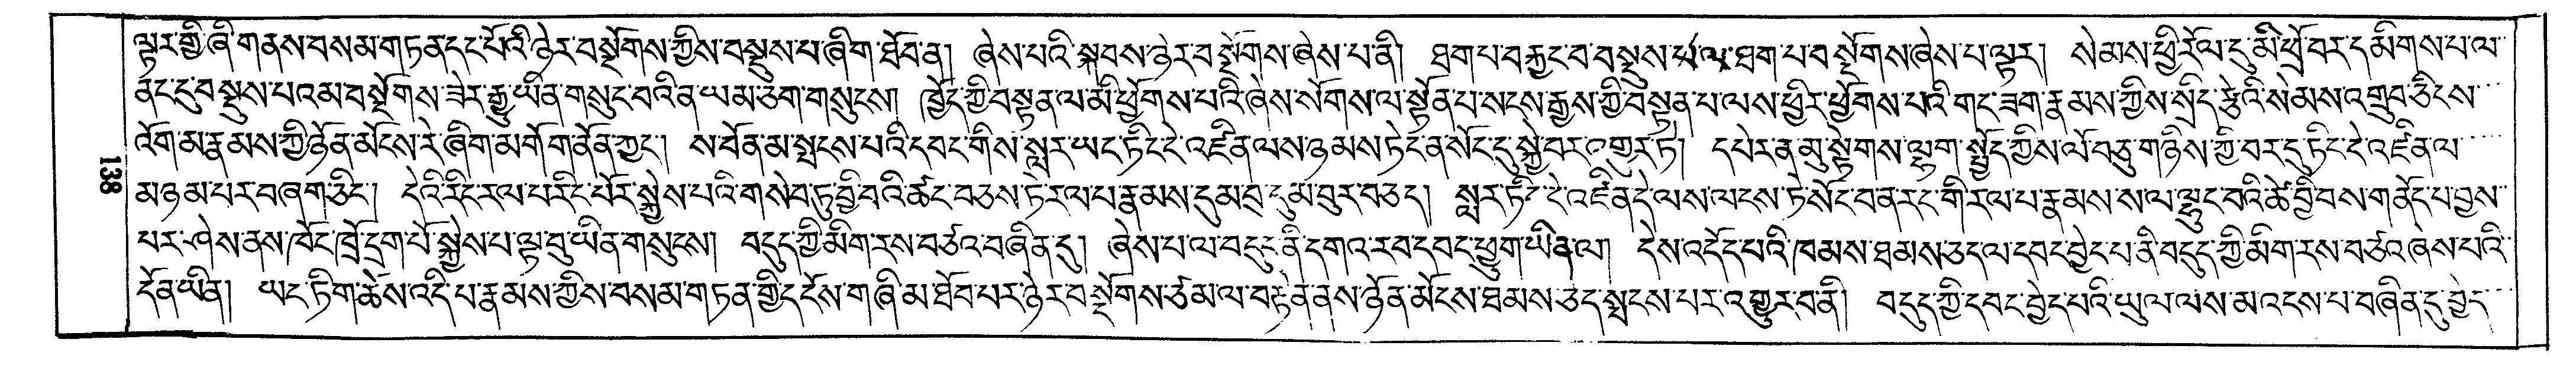ལྟར་གྱི་ཞི་གནས་བསམ་གཏན་དང་པོའི་ཉེར་བསྡོགས་ཀྱིས་བསྡུས་བཞིག་ཐོབ་ན། ཞེས་པའི་སྐབས་ཉེར་བསྔོགས་ཞེས་བ་ནི། ཐག་པ་བརྐྱང་པ་བསྡུས་པ་ལ་ཐག་པ་བསྡོགས་ཞེས་པ་ལྟར། སེམས་ཕྱི་རོལ་དུ་མི་ཕྲོ་བར་དམིགས་པ་ལ་
ནང་དུ་བསྡུས་པའམ་བསྡོགས་ཟེར་རྒྱུ་ཡིན་གསུང་བའི་ན་ཡམ་ཅིག་གསུངས། ཁྱོད་ཀྱི་བསྟན་ལ་མི་ཕྱོགས་པའི་ཞེས་སོགས་ལ་སྟོན་པ་སངས་རྒྱས་ཀྱི་བསྟན་པ་ལས་ཕྱིར་ཕྱོགས་པའི་གང་ཟག་རྣམས་ཀྱིས་སྲིང་རྩེའི་སེམས་འགྲུབ་ཅིངས་
འོག་མ་རྣམས་ཀྱི་ཉོན་མོངས་རེ་ཞིག་མགོ་གནོན་ཀྱང་། ས་བོན་མ་སྤངས་པའི་དབང་གིས་སླར་ཡང་ཏིང་ངེ་འཛིན་ལས་ཉམས་ཏེ་ངན་སོང་དུ་སྐྱེ་བར་འགྱུར་ཏེ། དཔེར་ན་མུ་སྟེགས་ལྷག་སྤྱོད་ཀྱིས་ལོ་བཅུ་གཉིས་ཀྱི་བར་དུ་ཏིང་ངེ་འཛིན་ལ་
མཉམ་པར་བཞག་ཅིང་། དེའི་རིང་རལ་པ་རིང་པོར་སྐྱེས་པའི་གསེབ་ཏུ་བྱི་བའི་ཚང་བཅས་ཏེ་རལ་པ་རྣམས་དུམ་བུ་དུམ་བུར་བཅད། སླར་ཏིང་ངེ་འཛིན་དེ་ལས་ལངས་ཏེ་སོང་བ་ན་རང་གི་རལ་པ་རྣམས་ས་ལ་ལྷུང་བའི་ཚེ་བྱི་བས་གནོད་པ་བྱས་
པར་ཤེས་ནས་ཁོང་ཁྲོ་དྲག་པོ་སྐྱེས་པ་ལྟ་བུ་ཡིན་གསུངས། བདུད་ཀྱི་མིག་རས་བཙའ་བཞིན་དུ། ཞེས་པ་ལ་བདུད་ནི་དགའ་རབ་དབང་ཕྱུག་ཡིན་ལ། དེས་འདོད་པའི་ཁམས་ཐམས་ཅད་ལ་དབང་བྱེད་པ་ནི་བདུད་ཀྱི་མིག་རས་བཙའ་ཞེས་པའི་
དོན་ཡིན། ཡང་ཏིག་ཆོས་འདི་པ་རྣམས་ཀྱིས་བསམ་གཏན་གྱི་དངོས་གཞི་མ་ཐོབ་པར་ཉེར་བསྡོགས་ཙམ་ལ་བརྟེན་ནས་ཉོན་མོངས་ཐམས་ཅད་སྤངས་པར་འགྱུར་བ་ནི། བདུད་ཀྱི་དབང་བྱེད་པའི་ཡུལ་ལས་མ་འདས་པ་བཞིན་དུ་བྱེད་